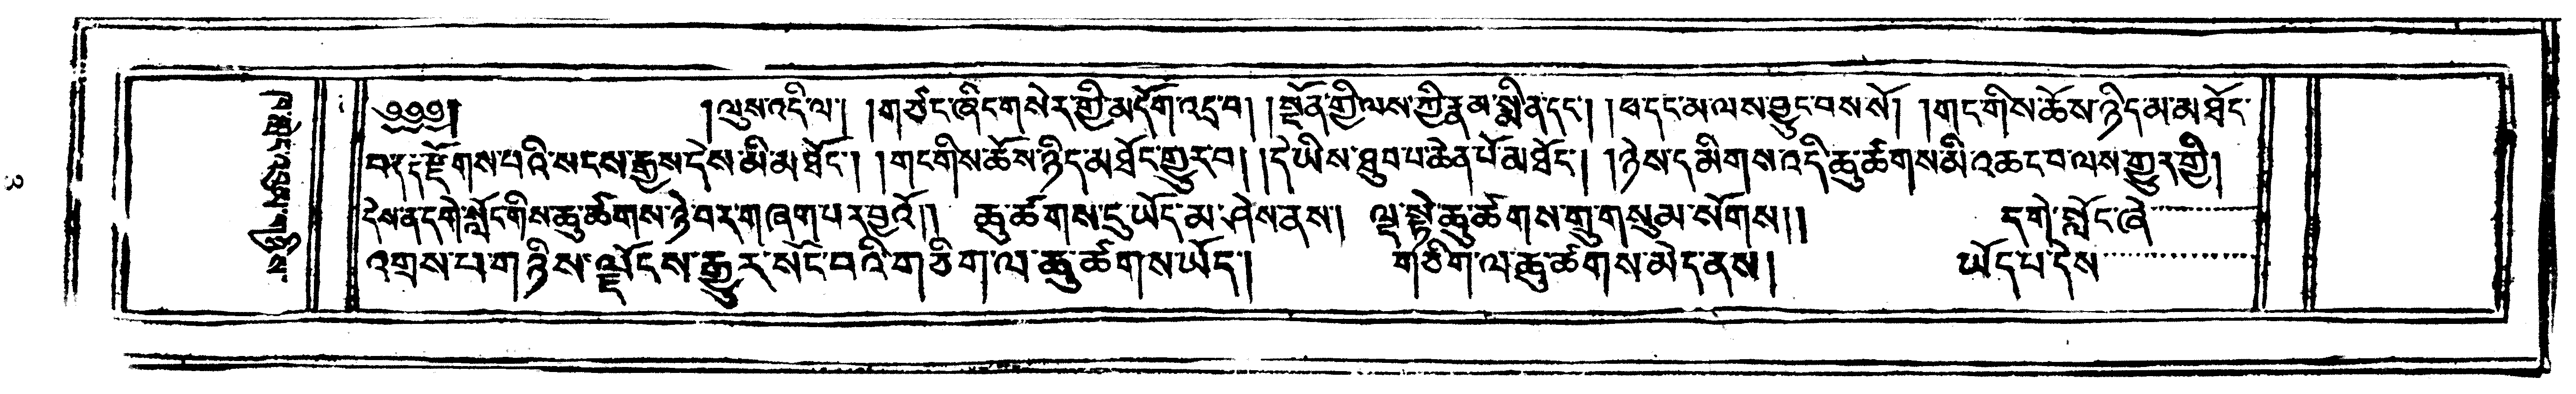༄༅༅། །ལུས་འདི་ལ། །གཙང་ཞིང་གསེར་གྱི་མདོག་འདྲ་བ། །སྔོན་གྱི་ལས་ཀྱི་རྣམ་སྨིན་དང་། །ཕ་དང་མ་ལས་བྱུང་བས་སོ། །གང་གིས་ཆོས་ཉིད་མ་མཐོང་
བ༑ ༑རྫོགས་པའི་སངས་རྒྱས་དེས་མི་མཐོང་། །གང་གིས་ཆོས་ཉིད་མཐོང་གྱུར་བ། །དེ་ཡིས་ཐུབ་པ་ཆེན་པོ་མཐོང་། །ཉེས་དམིགས་འདི་ཆུ་ཚགས་མི་འཆང་བ་ལས་གྱུར་གྱི།
དེས་ན་དགེ་སློང་གིས་ཆུ་ཚགས་ཉེ་བར་གཞག་པར་བྱའོ།། ཆུ་ཚགས་དུ་ཡོད་མ་ཤེས་ནས། ལྔ་སྟེ་ཆུ་ཚགས་གྲུ་གསུམ་སོགས།། དགེ་སློང་ཞེ་
འགྲས་པ་གཉིས་ལྗོངས་རྒྱུར་སོང་བའི་གཅིག་ལ་ཆུ་ཚགས་ཡོད། གཅིག་ལ་ཆུ་ཚགས་མེད་ནས། ཡོད་པ་དེས་